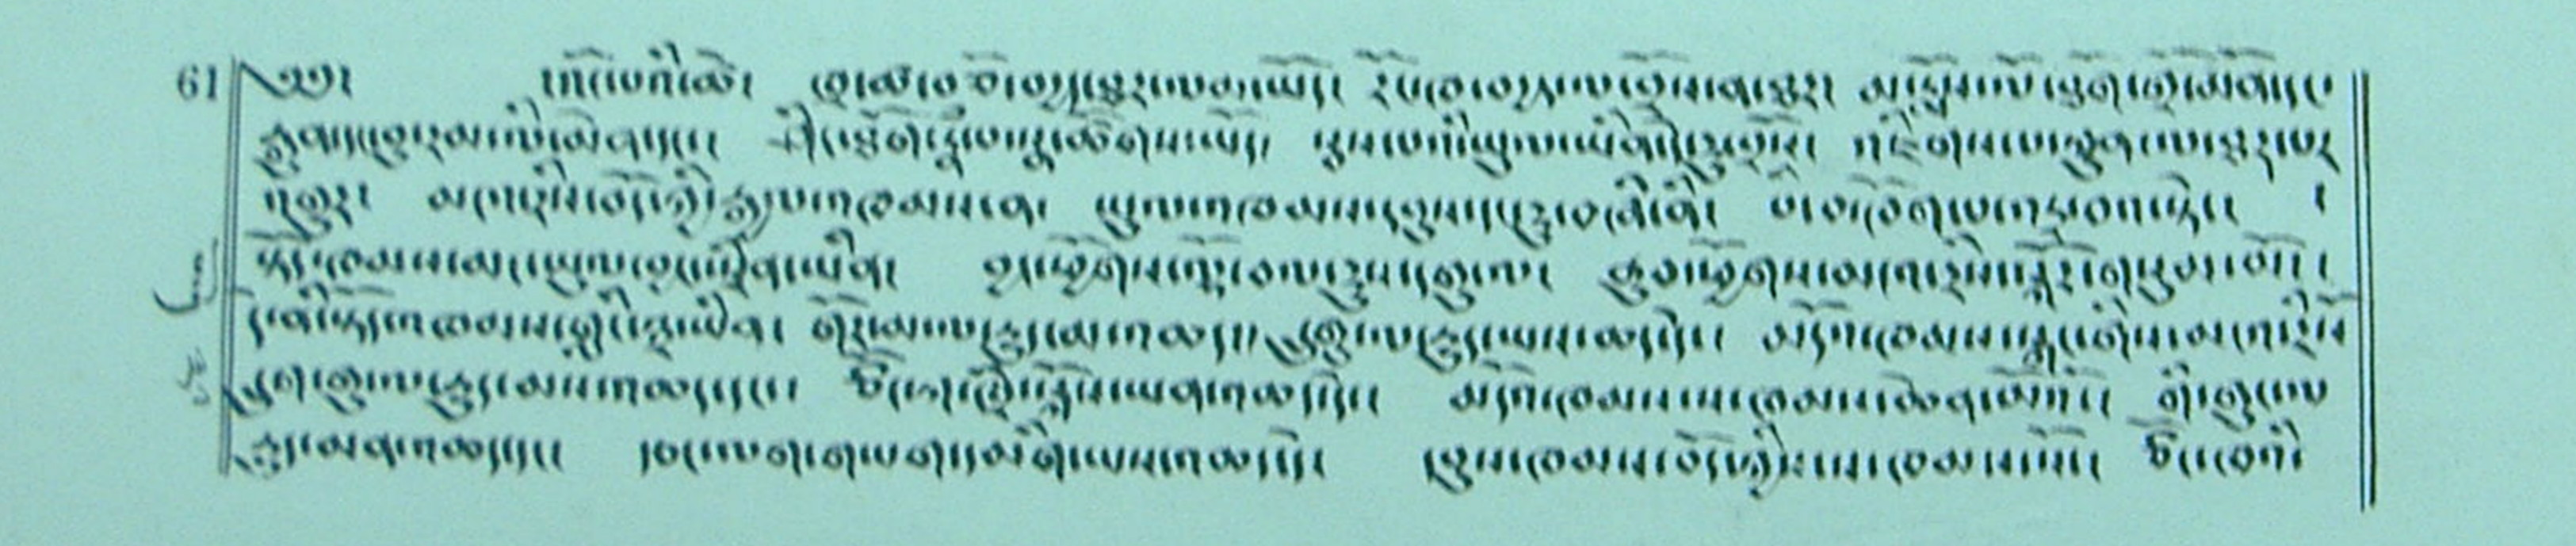༄༅། །འོང་བའི་ཚེ། ཁྲ་ཚོ་བཅོ་བརྒྱད་ཐར་ལམ་ཡོད། རོང་ཁ་བརྒྱད་ལ་བྲོས་ན་ཐར། མ་རྨོས་ལོ་ཐོག་གྲོ་མོན་དང་། 
རྒུན་དང་བུ་རམ་ལི་མེན་དང་། ཤིང་ཏོག་རྣམ་པ་སྣ་ཚོགས་ཡོད། སྦས་པའི་ཡུལ་ཡིན་དེ་རུ་བྲོས། འཇིགས་པ་ཀུན་ལ་ཐར་བར་
འགྱུར། མངའ་རིས་བོད་ཀྱི་རྒྱལ་འཁམས་ན། ཡུལ་ཁམས་དབུས་དང་རུ་བཞི་ནི། པི་བ་[བུ་ནང་]ཁོག་པ་འདྲ་བ་སྟེ། 
སྟོད་ཁམས་མང་ཡུལ་བྱང་སྲིན་ཡིན། བྱང་ཕྱོགས་ལྷོ་བལ་རུས་དགུ་ལ། ནུབ་ཕྱོགས་མངའ་རིས་སྐོར་གསུམ་མོ། །
དེ་ནི་སྟོད་ཁམས་གླིང་གསུམ་ཡིན། གོར་མ་ལ་རྒྱུད་མ་ཆད་དང་། དྲུག་གུ་ལ་རྒྱུད་ཡས་ཆད་དུ། མདོ་ཁམས་སྒང་གི་མངའ་རིས་སོ། །
དྲུག་གུ་ལ་རྒྱུད་མས་ཆད་དང་། ཙོང་ཁ་ཁྲི་སྐོས་ཡན་ཆད་དུ། མདོ་ཁམས་ས་ཁམས་ཆེན་མོའོ། །གི་གུང་ལ་
རྒྱུད་མན་ཆད་དང་། རྩང་ལག་གཡག་དམིག་ཡས་ཆད་དུ། དབུས་ཁམས་བོད་ཀྱི་ས་ཁམས་སོ། །ཙོང་ཁའི་